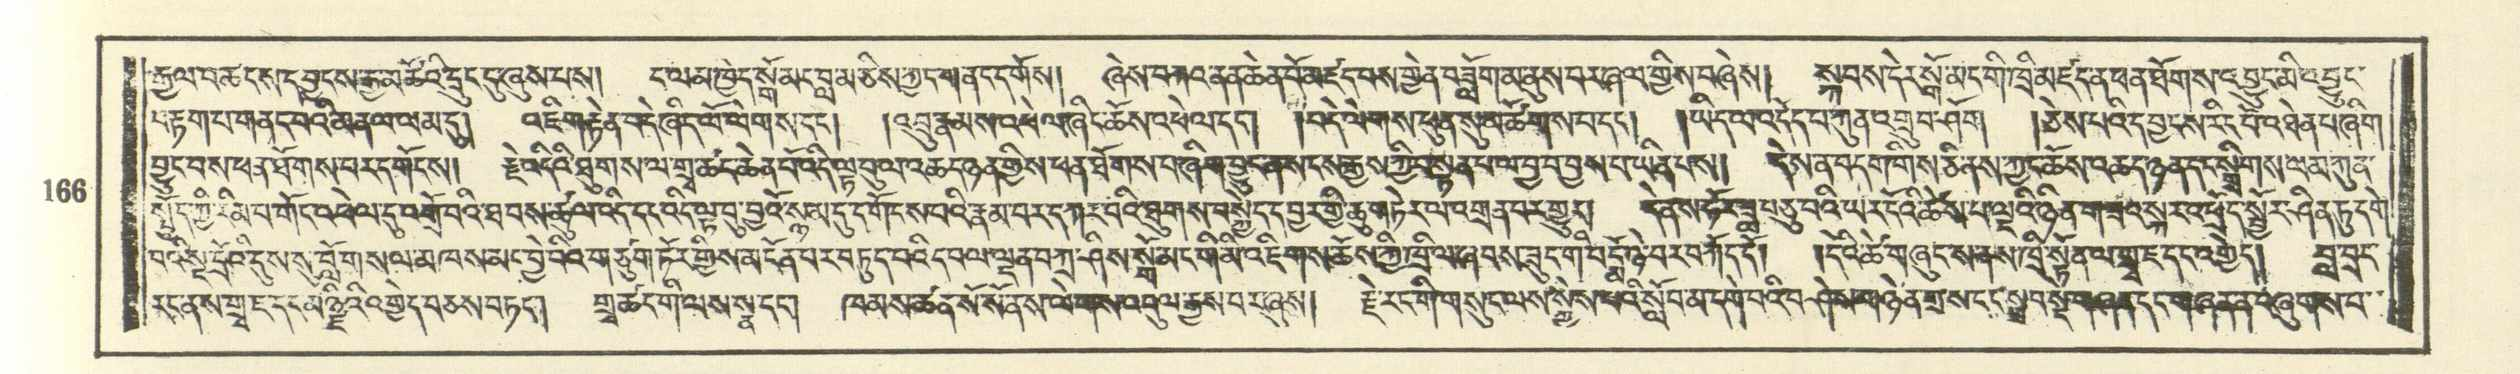རྒྱལ་བ་ཚངས་དབྱངས་རྒྱ་མཚོའི་དྲུང་དུ་ཞུས་པས། ང་ལམ་ཁྱེད་སྒོ་མང་བླ་མ་ཅིས་ཀྱང་གནང་དགོས། ཞེས་བཀའ་ནན་ཆེན་པོ་མཛད་པས་གྱེན་བཟློག་མ་ནུས་པར་ཞལ་གྱིས་བཞེས། སྐབས་དེར་སྒོ་མང་གི་ཁྲི་མཛད་ན་ཕན་ཐོགས་འབྱུང་མི་འབྱུང་
བརྟག་པ་གནང་བའི་མནལ་ལམ་དུ། འཇིག་རྟེན་བདེ་ཞིད་ལོ་ལེགས་དང་། །འབྲུ་རྣམས་འཕེལ་ཞིང་ཆོས་འཕེལ་དང་། །བདེ་ལེགས་ཕུན་སུམ་ཚོགས་པ་དང་། །ཡིད་ལ་འདོད་པ་ཀུན་འགྲུབ་ཤོག །ཅེས་པའི་དབྱངས་རིང་པོ་འཐེན་པ་ཞིག་
བྱུང་བས་ཕན་ཐོགས་པར་དགོངས། རྗེ་འདིའི་ཐུགས་ལ་གྲྭ་ཚང་ཆེན་པོ་འདི་ལྟ་བུ་ལ་འཆད་ཉན་གྱིས་ཕན་ཐོགས་པ་ཞིག་བྱུང་ན་སངས་རྒྱས་ཀྱི་བསྟན་པ་ལ་བྱ་བ་བྱས་པ་ཡིན་པས། དེས་ན་བདག་གིས་ཅི་ནས་ཀྱང་ཆོས་འཆད་ཉན་དང་སྒྲིགས་ལམ་ཀུན་སྤྱོད་ཀྱི་རིམ་པ་གོང་འཕེལ་དུ་འགྲོ་བའི་ཐབས་ཚུལ་འདི་དང་འདི་ལྟ་བུ་བྱའོ་སྙམ་དུ་དགོངས་པའི་རྣམ་པར་དཀར་བའི་ཐུགས་བསྐྱེད་དབྱར་གྱི་ཆུ་གཏེར་ལ་འགྲན་པར་གྱུར། དེ་ནས་ཧོར་ཟླ་བཅུ་བའི་ཡར་དོའི་ཚེས་པ་ལྔའི་ཉིན་གཟའ་སྐར་འཕྲོད་སྦྱོར་ཤིན་ཏུ་དགེ་
བའི་སྔ་དྲོའི་དུས་སུ་བློ་གསལ་མཁས་མང་བྱེ་བའི་གཙུག་ཏོར་གྱིས་མངོན་པར་བཏུད་པའི་དཔལ་ལྡན་བཀྲ་ཤིས་སྒོ་མང་གི་མི་འཇིགས་ཆོས་ཀྱི་ཁྲི་ལ་ཞབས་ཟུང་གི་པདམོ་ཉེ་བར་བཀོད་དོ། །དེའི་ཚེ་གཞུང་ས་ནས་ཁྲི་སྟོན་ལ་གྲྭ་ཇ་དང་འགྱེད། བླ་བྲང་
རང་ནས་གྲྭ་ཇ་དང་མཉྫིའི་འགྱེད་བཅས་བཏང་། གྲྭ་ཚང་གི་ལས་སྣ་དང་། ཁམས་ཚན་སོ་སོ་ནས་ལེགས་འབུལ་རྒྱས་བར་ཞུས། རྗེ་རང་གི་གསུང་ལས་སྐྱེས་པའི་སློབ་མ་དགེ་བའི་བཤེས་གཉེན་གྲྭ་ས་དང་སྒྲུབ་སྡེ་གཞན་དང་གཞན་ན་བཞུགས་པ་